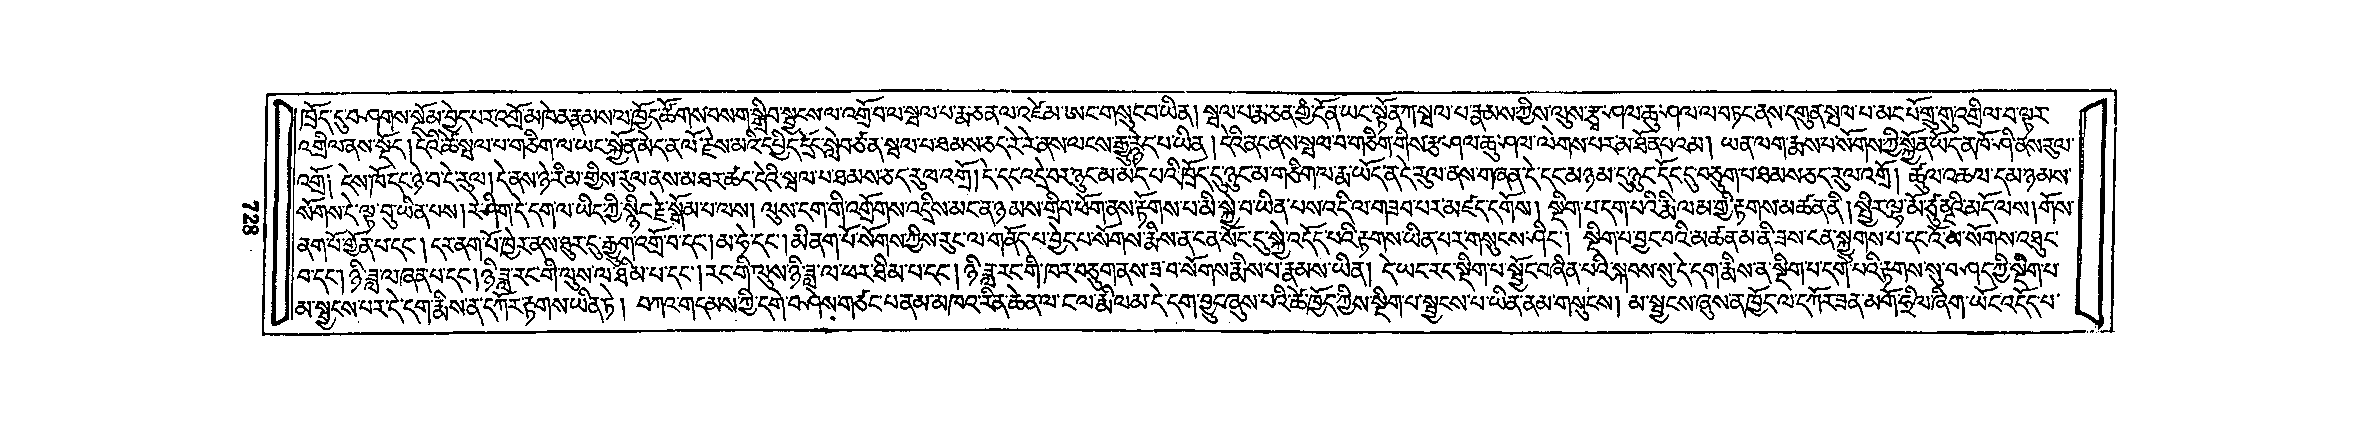ཁྲོད་དུ་བཤགས་སྡོམ་བྱེད་པར་འགྲོ་མཁེན་རྣམས་ལ་ཁྱོད་ཚོགས་བསག་སྒྲིབ་སྦྱངས་ལ་འགྲོ་བ་ལ་སྦལ་པ་རྨ་ཅན་ལ་འཛེམ་ཨང་གསུང་བ་ཡིན། སྦལ་པ་རྨ་ཅན་གྱི་དོན་ཡང་སྟོན་ཀ་སྦལ་པ་རྣམས་ཀྱིས་ལུས་རྩྭ་ཤལ་ཆུ་ཤལ་ལ་བཏང་ནས་དགུན་སྤལ་པ་མང་པོ་གྲུ་གུ་འགྲིལ་བ་ལྟར་
འགྲིལ་ནས་སྡོད། དེའི་ཚེ་སྦལ་པ་གཅིག་ལ་ཡང་སྐྱོན་མེད་ན་ལོ་རྗེས་མའི་དཔྱིད་དྲོད་སླེབ་ཙ་ན་སྦལ་པ་ཐམས་ཅད་རེ་རེ་ནས་ལངས་རྒྱུ་རྙེད་པ་ཡིན། དེའི་ནང་ནས་སྦལ་བ་གཅིག་གིས་རྩ་ཤལ་ཆུ་ཤལ་ལེགས་པར་མཐོན་པའམ། ཡན་ལག་རྨས་པ་སོགས་ཀྱི་སྐྱོན་ཡོད་ན་ཁོ་ཤི་ནས་རུལ་
འགྲོ། དེས་ཁོ་དང་ཉེ་བ་དེ་རུལ། དེ་ནས་ཉེ་རིམ་གྱིས་རུལ་ནས་མཐར་ཚང་དེའི་སྦལ་པ་ཐམས་ཅད་རུལ་འགྲོ་།དེ་དང་འདྲེ་བར་ཉུང་མ་མེད་པའི་ཁྲོད་དུ་ཉུང་མ་གཅིག་ལ་རྨ་ཡོད་ན་དེ་རུལ་ནས་གཞན་དེ་དང་མཉམ་དུ་ཉུང་དོང་དུ་བཅུག་པ་ཐམས་ཅད་རུལ་འགྲོ་།ཚུལ་འཆལ་དམ་ཉམས་
སོགས་དེ་ལྟ་བུ་ཡིན་པས། རེ་ཤིག་དེ་དག་ལ་ཡིད་ཀྱི་སྙིང་རྗེ་སྒོམ་པ་ལས། ལུས་ངག་གི་འགྲོགས་འདྲིས་མང་ན་ཉམས་གྲིབ་ཕོག་ནས་རྟོགས་པ་མི་སྐྱེ་བ་ཡིན་པས་འདི་ལ་གཟབ་པར་མཛད་དགོས། སྡིག་པ་དག་པའི་རྨི་ལམ་གྱི་རྟགས་མཚན་ནི། སྤྱིར་ལྷ་མོ་ཙུནྡའི་མདོ་ལས། གོས་
ནག་པོ་གྱོན་པ་དང་། དར་ནག་པོ་ཁྱེར་ནས་ཐུར་དུ་རྒྱུག་འགྲོ་བ་དང་། མ་ཧེ་དང་། མི་ནག་པོ་སོགས་ཀྱིས་རུང་ལ་གནོད་པ་བྱེད་པ་སོགས་རྨིས་ན་ངན་སོང་དུ་སྐྱེ་འདོད་པའི་རྟགས་ཡིན་པར་གསུངས་ཤིང་། སྡིག་པ་བྱང་བའི་མཚན་མ་ནི་ཟས་ངན་སྐྱུགས་པ་དང་འོ་མ་སོགས་འཐུང་
བ་དང་། ཉི་ཟླ་ལ་ཞན་པ་དང་། ཉི་ཟླ་རང་གི་ལུས་ལ་ཐིམ་པ་དང་། རང་གི་ལུས་ཉི་ཟླ་ལ་ཕར་ཐིམ་པ་དང་། ཉི་ཟླ་རང་གི་ཁར་བཅུག་ནས་ཟ་བ་སོགས་རྨིས་པ་རྣམས་ཡིན། དེ་ཡང་རང་སྡིག་པ་སྦྱོང་བཞིན་པའི་སྐབས་སུ་དེ་དག་རྨིས་ན་སྡིག་པ་དགེ་བའི་རྟགས་སུ་བཤད་ཀྱི་སྡིག་པ་
མ་སྦྱངས་པར་དེ་དག་རྨིས་ན་དཀོར་རྟགས་ཡིན་ཏེ། བཀའ་གདམས་ཀྱི་དགེ་བཤེས་གཙང་པ་ནམ་མཁའ་རིན་ཆེན་ལ་ང་ལ་རྨི་ལམ་དེ་དག་བྱུང་ཞུས་པའི་ཚེ་ཁྱོད་ཀྱིས་སྡིག་པ་སྦྱངས་པ་ཡིན་ནམ་གསུངས། མ་སྦྱངས་ཞུས་ན་ཁྱོད་ལ་དཀོར་ཟན་མགོ་ཧྲིལ་ཞིག་ཡོང་འདོད་པ་